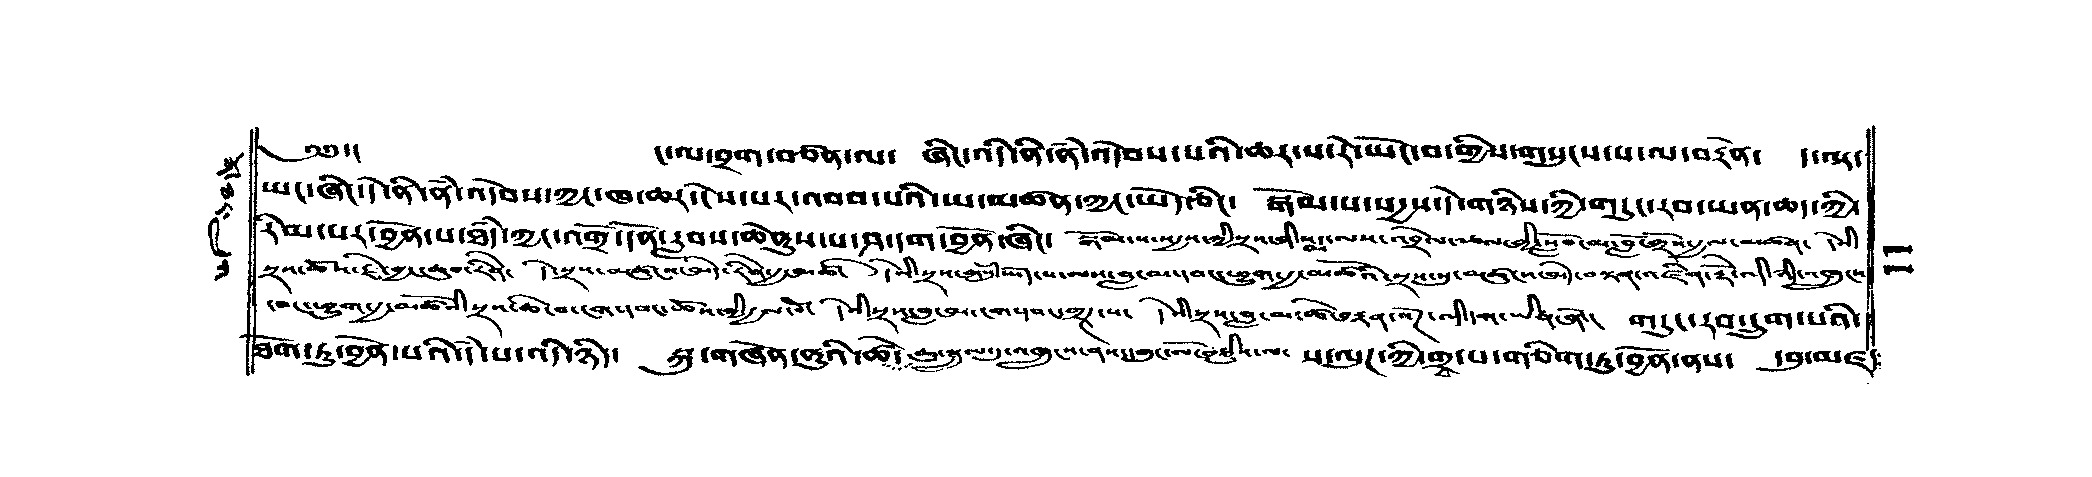ང་ལ་བྲག་བཙན་ལ། ཞིང་འདི་ནི་ནམ་འདེབས་པའི་ཆར་པ་རེ་ཡོང་བ་གྱིས་གསུངས་པ་ལ་བརྟེན། ད་ལྟ་
ཡང་ཞིང་དེ་ནི་ནམ་འདེབས་ཀྱང་ཁ་ཆར་ངེས་པར་འབབ་པའི་ཡ་མཚན་ཀྱང་ཡོད་ཅིང་། སྒོམ་པ་སངས་རྒྱས་དེ་གཉིས་ཀྱི་གདུང་རབས་ཡན་ཆད་ཀྱི་
རིམ་པར་བྱོན་པ་ཐམས་ཅད་ཀྱང་འགྲོ་དོན་རླབས་ཆེན་ནུས་པ་ཤ་སྟག་བྱོན་ཞིང་། སྒོམ་པ་སངས་རྒྱས་ཀྱི་སྲས་ནི་པདྨ་ལས་འབྲེལ་རྩལ་གྱི་སློབ་མ་བློ་གྲོས་རྒྱལ་མཚན། དེའི་
སྲས་ཆོས་རྗེ་བྱང་ཆུབ་རིན་ཆེན། དེ་སྲས་མཚུངས་མེད་རིན་ཆེན་རྒྱ་མཚོ། དེའི་སྲས་གསུམ་ཡོད་པ་ལས་བླ་མ་དབང་ཕྱུག་རྒྱ་མཚོའི་སྲས་སུ་མཚུངས་མེད་བསྟན་འཛིན་རྡོ་རྗེ་འདི་ཉིད་འཁྲུངས། 
དབང་ཕྱུག་རྒྱ་མཚོའི་སྲས་ཆེ་བ་ངག་དབང་ཆོས་ཀྱི་རྒྱལ་པོ། དེའི་སྲས་བླ་མ་ངག་དབང་གྲགས་པ། དེའི་སྲས་བླ་མ་ཚེ་བརྟན་སོགས་འདི་དག་ཡིན་ནོ། མཆན། གདུང་རབས་དྲུག་པའི་
ཐོག་ཏུ་བྱོན་པའི་དམ་པ་འདི་ཉིད། སྐུ་གཞོན་ནུའི་ཚེ་ཆུ་སྤྲུལ་དུ་འཁྲུངས་ནས་དགུང་ལོ་བཅུ་གཉིས་ལ། ས་ལུགས་ཀྱི་གྲྭ་ས་གཅིག་ཏུ་བྱོན་ནས། དབུ་མཛད་